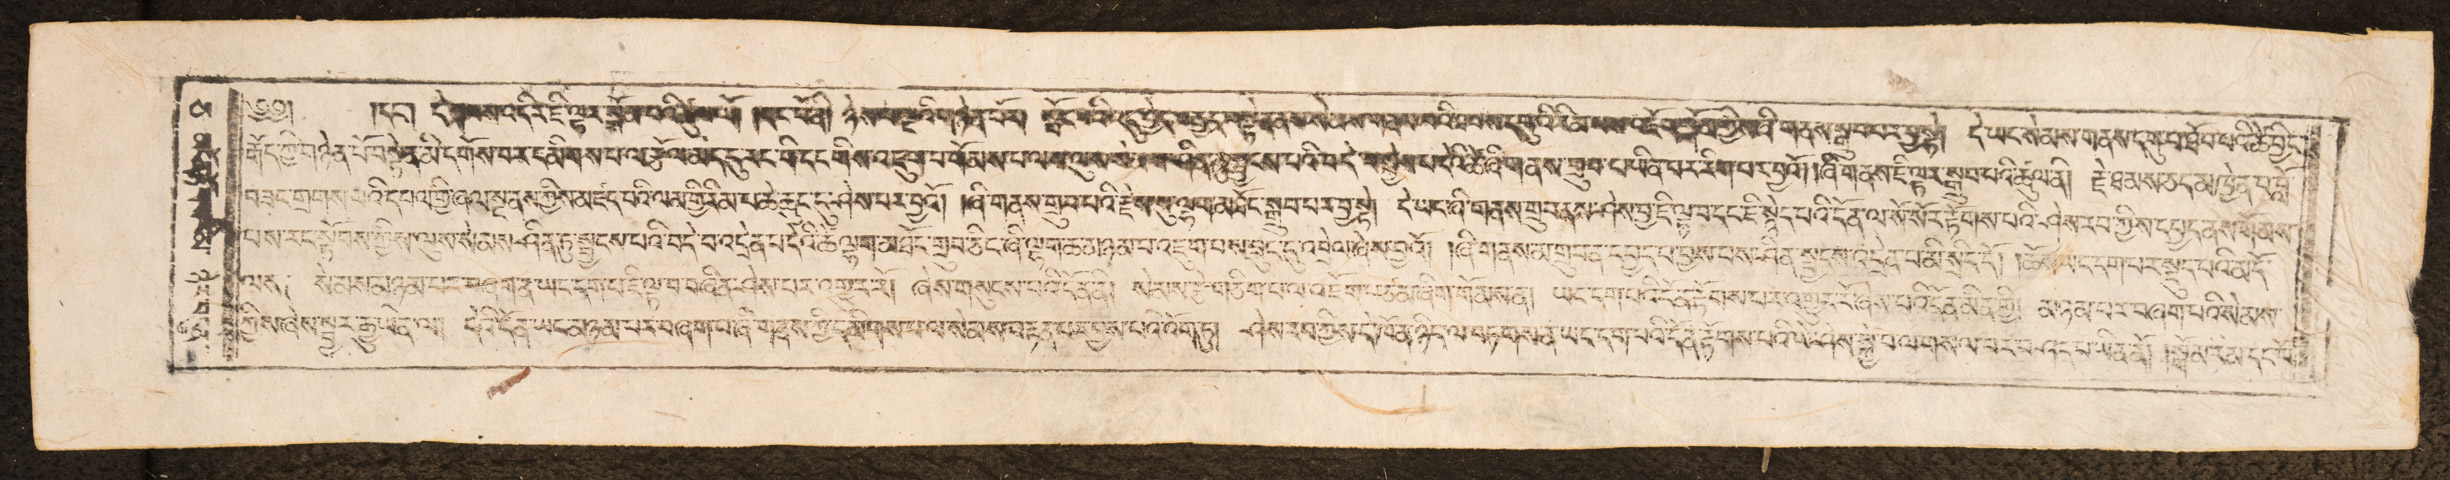༄༅། །དང་། དེ་སྐབས་འདིར་ཇི་ལྟར་སྒོམ་པའི་ཚུལ་ལོ། །དང་པོ་ནི། ཉེས་པ་ལྔའི་གཉེན་པོར། སྤོང་བའི་འདུ་བྱེད་བརྒྱད་བསྟེན་ནས་སེམས་གནས་པའི་ཐབས་དགུའི་རིམ་པས་འཇོག་སྒོམ་གྱིས་ཞི་གནས་སྒྲུབ་པར་བྱ་སྟེ། དེ་ཡང་སེམས་གནས་དགུ་པ་ཐོབ་པའི་ཚེ་བྱིང་
རྒོད་ཀྱི་གཉེན་པོ་བསྟེན་མི་དགོས་པར་དམིགས་པ་ལ་རྩོལ་མེད་དུ་རང་གི་དང་གིས་འཇུག་པ་གོམས་པ་ལས་ལུས་སེམས་ཤིན་ཏུ་སྦྱངས་པའི་བདེ་བ་སྐྱེས་པ་དེའི་ཚེ་ཞི་གནས་གྲུབ་པ་ཡིན་པར་རིག་པར་བྱའོ། །ཞི་གནས་ཇི་ལྟར་སྒྲུབ་པའི་ཚུལ་ནི། རྗེ་ཐམས་ཅད་མཁྱེན་པ་བློ་
བཟང་གྲགས་པའི་དཔལ་གྱི་ཞལ་སྔ་ནས་ཀྱིས་མཛད་པའི་ལམ་གྱི་རིམ་པ་ཆེ་ཆུང་དུ་ཤེས་པར་བྱའོ། །ཞི་གནས་གྲུབ་པའི་རྗེས་སུ་ལྷག་མཐོང་སྒྲུབ་པར་བྱ་སྟེ། དེ་ཡང་ཞི་གནས་གྲུབ་ནས་ཤེས་བྱ་ཇི་ལྟ་བ་དང་ཇི་སྙེད་པའི་དོན་ལ་སོ་སོར་རྟོགས་པའི་ཤེས་རབ་ཀྱིས་དཔྱད་ནས་གོམས་
པས་རང་སྟོབས་ཀྱིས་ལུས་སེམས་ཤིན་ཏུ་སྦྱངས་པའི་བདེ་བ་འདྲེན་པ་དེའི་ཚེ་ལྷག་མཐོང་གྲུབ་ཅིང་ཞི་ལྷག་ཆ་མཉམ་པ་འཇུག་པས་ཟུང་དུ་འབྲེལ་ཞེས་བྱའོ། །ཞི་གནས་མ་གྲུབ་ན་དཔྱད་པ་བྱས་པས་ཤིན་སྦྱངས་འདྲེན་པ་མི་སྲིད་དོ། །ཆོས་ཡང་དག་པར་སྡུད་པའི་མདོ་
ལས། སེམས་མཉམ་པར་བཞག་ན་ཡང་དག་པ་ཇི་ལྟ་བ་བཞིན་ཤེས་པར་འགྱུར་རོ། ཞེས་གསུངས་པའི་དོན་ནི། སེམས་རྩེ་གཅིག་པ་ལ་འཇོག་པ་ཙམ་ཞིག་གོམས་ན། ཡང་དག་པའི་དོན་རྟོགས་པར་འགྱུར་རོ་ཞེས་པའི་དོན་མིན་གྱི། མཉམ་པར་བཞག་པའི་སེམས་
ཀྱིས་ཞེས་སྦྱར་རྒྱུ་ཡིན་ལ། དེའི་དོན་ཡང་མཉམ་པར་བཞག་པ་ཞི་གནས་ཀྱི་དམིགས་པ་ལ་སེམས་བརྟན་པར་བྱས་པའི་འོག་ཏུ། ཤེས་རབ་ཀྱིས་དེ་ཁོ་ན་ཉིད་ལ་བཏགས་ན་ཡང་དག་པའི་དོན་རྟོགས་པའི་ཡེ་ཤེས་སྐྱེ་བ་ལ་གསལ་བར་བཤད་པ་ཡིན་ནོ། །སྒོམ་རིམ་དང་པོ་